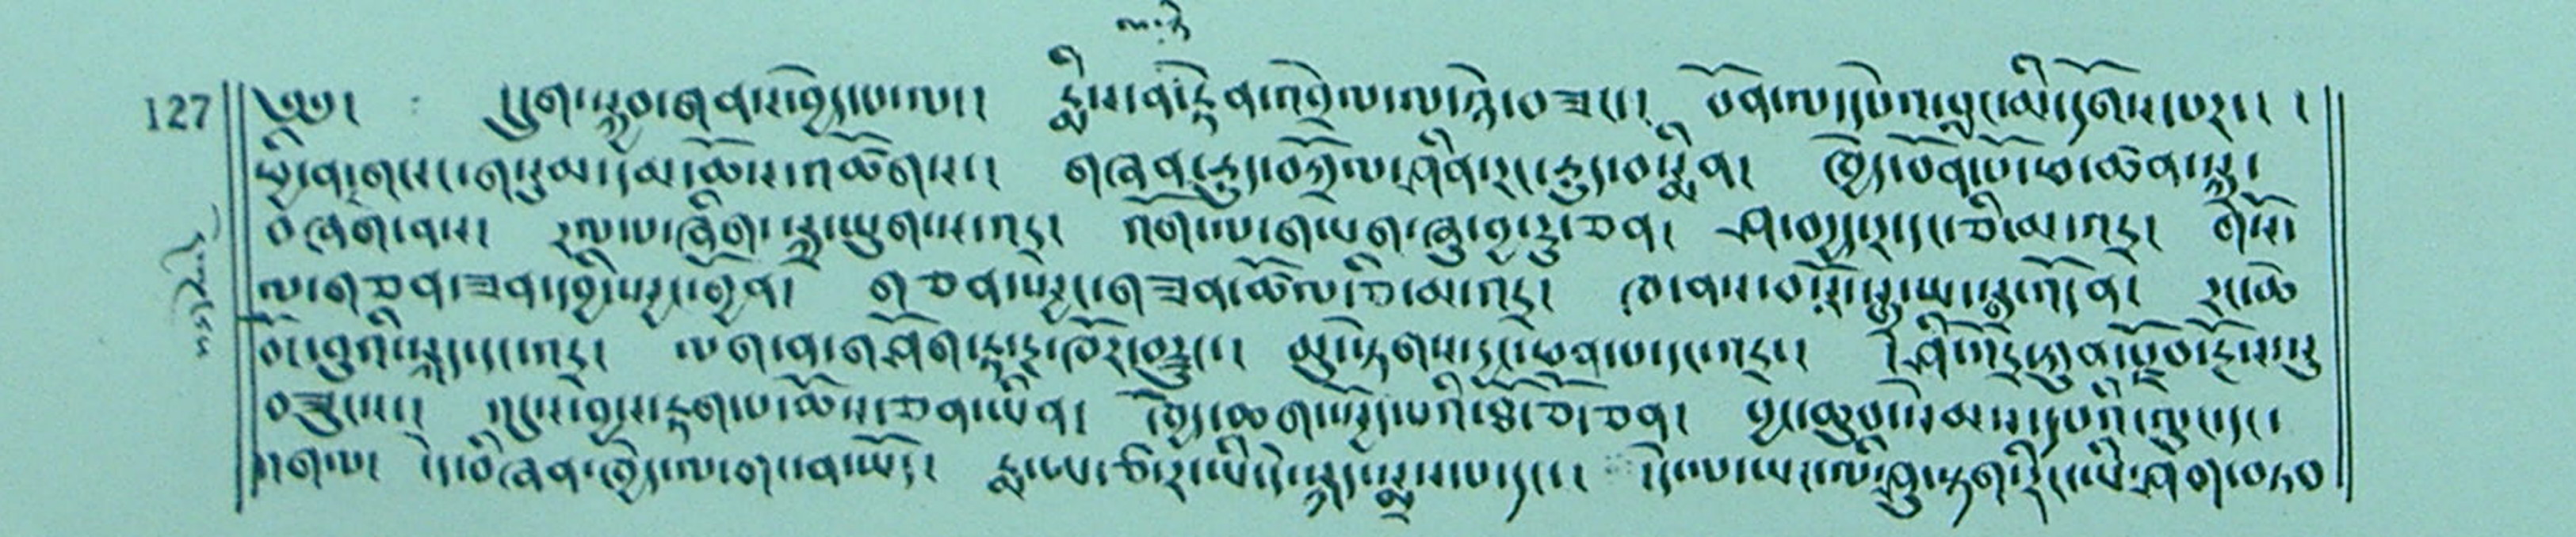༄༅། །དྲུག་སྐྱབས་གནས་བྱེད་པ་ལ། རྨིས་ན་ལ་ཉེ་རྟེན་འབྲེལ་ལ་ཉེ་བཟང་། བོན་ལས་དཔེ་བླངས་མི་དགོས་པར། 
ཕྱི་ནང་གསང་གསུམ་དམ་ཆོས་འཚོགས། གཞན་རྒྱུད་བཀྲོལ་ཤིན་རང་རྒྱུད་སྨིན། ཁྱེད་བོན་པོ་ཕ་ཚན་སྐྲ་
བཞག་ན། རལ་བ་ཞིག་སྐྲ་ཡུག་ས་འདྲ། མགོ་ལ་གཡག་ཞུ་བྱ་རུ་ཅན། ཤ་བརྒྱད་ར་དང་ཅི་མ་འདྲ། གོས་
ལ་གཅན་ཟན་དབྱི་སྤྱང་གོན། གཅན་སྤྱང་གཟན་ཚོལ་ཅི་མ་འདྲ། ཁ་ནས་བསྭོ་སྒྲ་ཡ་སྒྲ་འདོན། རང་ཆེ་
བོང་བུའི་སྐད་དང་འདྲ། ལག་ན་གཤོག་རྟ་རྔ་ཁོར་བརྡུངས། མུ་སྟེགས་རྒྱང་འཕན་པ་དང་འདྲ། ཤི་འདྲེ་ཀུན་རྫོབ་དངོས་སུ་
བཟུང་། འདུས་བྱས་རྟག་པ་ཆོས་ཅན་ཡིན། ཁྱེད་ཅག་སྤྱོད་པ་ཐོ་ཅོ་ཅན། བྱང་ཆུབ་སེམས་དཔའི་ལུང་དང་
འགལ། ངེད་བཞིན་ཁྱེད་ལ་གང་ན་ཡོད། རྨ་ཨ་ཙ་ར་ཡིས་དེ་སྐད་སྨྲས་པ་དང་། ངེད་ལ་ཡང་ལི་ཤུ་སྟག་རིང་གིས་ཤག་བཏབ་